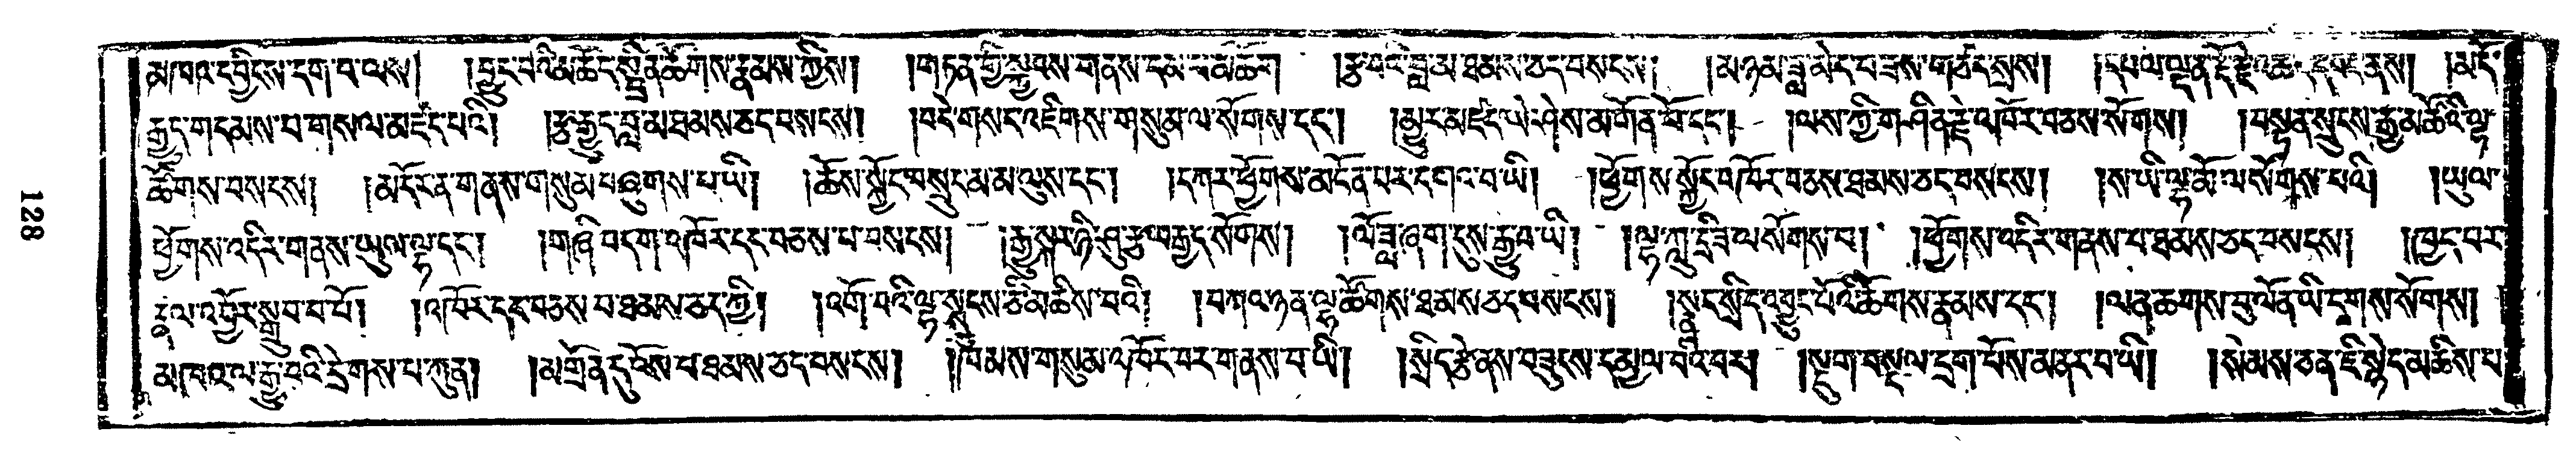མཁའ་དབྱིངས་དག་བ་ལས། །བྱུང་བའི་མཆོད་སྦྲིན་ཚོགས་རྣམས་ཀྱིས། །གཏན་གྱི་སྐྱབས་གནས་དམ་པ་མཆོག །རྩ་བའི་བླ་མ་ཐམས་ཅད་བསངས། །མཉམ་ཟླ་མེད་བཟས་གཙང་སྲས། །དཔལ་ལྡན་རྡོ་རྗེ་འཆད་དབང་ནས། །མདོ་
རྒྱུད་གདམས་པ་གསལ་མཛད་པའི། །རྩ་རྒྱུད་བླ་མ་ཐམས་ཅད་བསངས། །བདེ་གསང་འཇིགས་གསུམ་ལ་སོགས་དང་། །མྱུར་མཛད་ཡེ་ཤེས་མགོན་པོ་དང་། །ལས་ཀྱི་གཤིན་རྗེ་འཁོར་བཅས་སོགས། །བསྟན་སྲུངས་རྒྱ་མཚོའི་ལྷ་
ཚོགས་བསངས། །མདོར་ན་གནས་གསུམ་བཞུགས་པ་ཡི། །ཆོས་སྐྱོང་བསྲུང་མ་མ་ལུས་དང་། །དཀར་ཕྱོགས་མངོན་པར་དགའ་བ་ཡི། །ཕྱོགས་སྐྱོང་འཁོར་བཅས་ཐམས་ཅད་བསངས། །ས་ཡི་ལྷ་མོ་ལ་སོགས་པའི། །ཡུལ་
ཕྱོགས་འདིར་གནས་ཡུལ་ལྷ་དང་། །གཞི་བདག་འཁོར་དང་བཅས་པ་བསངས། །རྒྱུ་སྐར་ཉི་ཤུ་རྩ་བརྒྱད་སོགས། །ལོ་ཟླ་ཞག་དུས་རྒྱུ་བ་ཡི། །ལྷ་ཀླུ་དྲི་ཟ་ལ་སོགས་པ། །ཕྱོགས་འདིར་གནས་པ་ཐམས་ཅད་བསངས། །ཁྱད་པར་
རྣལ་འབྱོར་སྒྲུབ་བ་བོ། །འཁོར་དང་བཅས་པ་ཐམས་ཅད་ཀྱི། །འགོ་བའི་ལྷ་སྲུངས?་ཅི་མཆིས་བའི། །བཀའ་ཉན་ལྷ་ཚོགས་ཐམས་ཅད་བསངས། །སྣང་སྲིད་འབྱུང་པོའི་ཆོགས་རྣམས་དང་། །ལན་ཆགས་བུ་ལོན་ཡི་དྭགས་སོགས། །
མཁའ་ལ་རྒྱུ་བའི་དྲེ་གས་པ་ཀུན། །མགྲོན་དུ་འོས་པ་ཐམས་ཅད་བསངས། །ཁམས་གསུམ་འཁོར་བར་གནས་པ་ཡི། །སྲིད་རྩེ་ནས་བཟུངས་དམྱལ་བའི་བར། །སྡུག་བསྔལ་དྲག་པོས་མནར་བ་ཡི། །སེམས་ཅན་ཇི་སྙེད་མཆིས་པ་